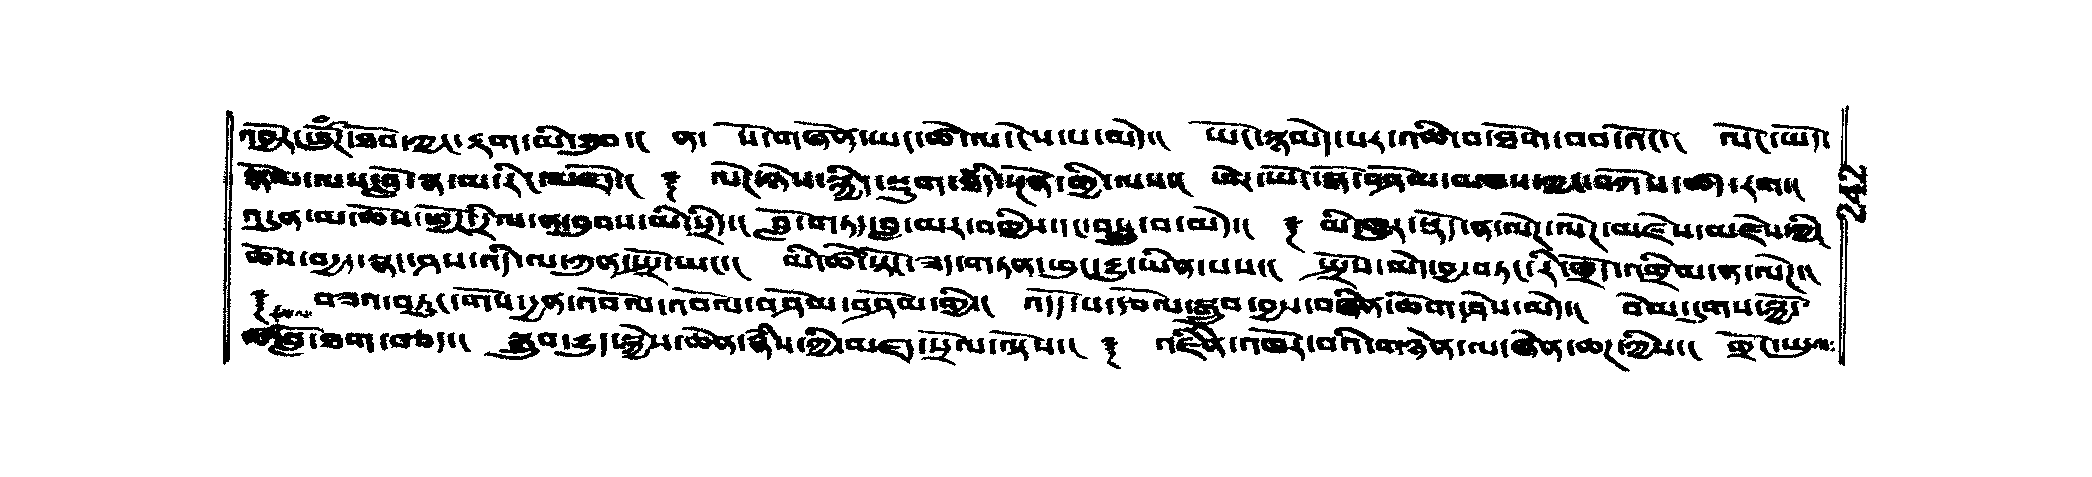འབྱོར་ཕུན་ཚོགས་ཐོབ་ཀྱང་རྟག་མི་ཐུབ། །ན་སོ་གཞོན་ཡང་ཚེ་ལ་ངེས་པ་མེད། །ཡོང་སྙམ་མེད་པར་འཆི་བ་ཐོག་བབ་འོང་། །ལོང་ཡོད་
སྙོམ་ལས་བློ་སྣ་མ་རིང་མཛོད། ༈ ལེགས་ཉེས་སྐྱིད་སྡུག་ཐམས་ཅད་སྔོན་གྱི་ལས། །ཕེར་ཡོང་སྒོ་བཤོམ་མཁས་ཀྱང་བཀོས་ཚད་རག །
འདུན་མ་ཆོས་ཕྱོགས་དྲིལ་ན་བུབ་མི་སྲིད། །བློ་གཏད་བླ་མར་བགྱིས་དང་བསླུ་བ་མེད། ༈ མི་ཁྱུར་སྡོད་ན་ལེགས་ལེགས་མཛེས་མཛེས་ཀྱི། །
ཆོས་བརྒྱད་སྣང་ཤས་འདི་ལ་ཀུན་སྤྲོ་ཡང་། །མི་ཚེ་སྟོང་ཟད་གཏན་ཕུང་རྒྱུ་ཡིན་པས། །སྤྲོས་མེད་བྱ་གཏང་རི་ཁྲོད་འགྲིམ་ན་ལེགས། 
༈ བཟའ་བཏུང་གོས་རྒྱན་འབོལ་འབོལ་བཤོམ་བཤོམ་གྱི། །འདོད་པ་རྩོལ་སྒྲུབ་བྱས་བཞིན་ཆོག་ཤེས་མེད། །བེམ་དུགས་སྐྱོ་
ཚ་ཇ་ལ་བློ་ཐག་བཅད། །སྒྲུབ་རྒྱུད་སྐྱེས་ཆེན་རྣམས་ཀྱི་མཛད་སྲོལ་ལྟོས། ༈ འཇིག་རྟེན་འཁོར་བའི་གཉེན་ལ་ཞེན་ཆགས་ཀྱིས། །གྲོང་ཡུལ་